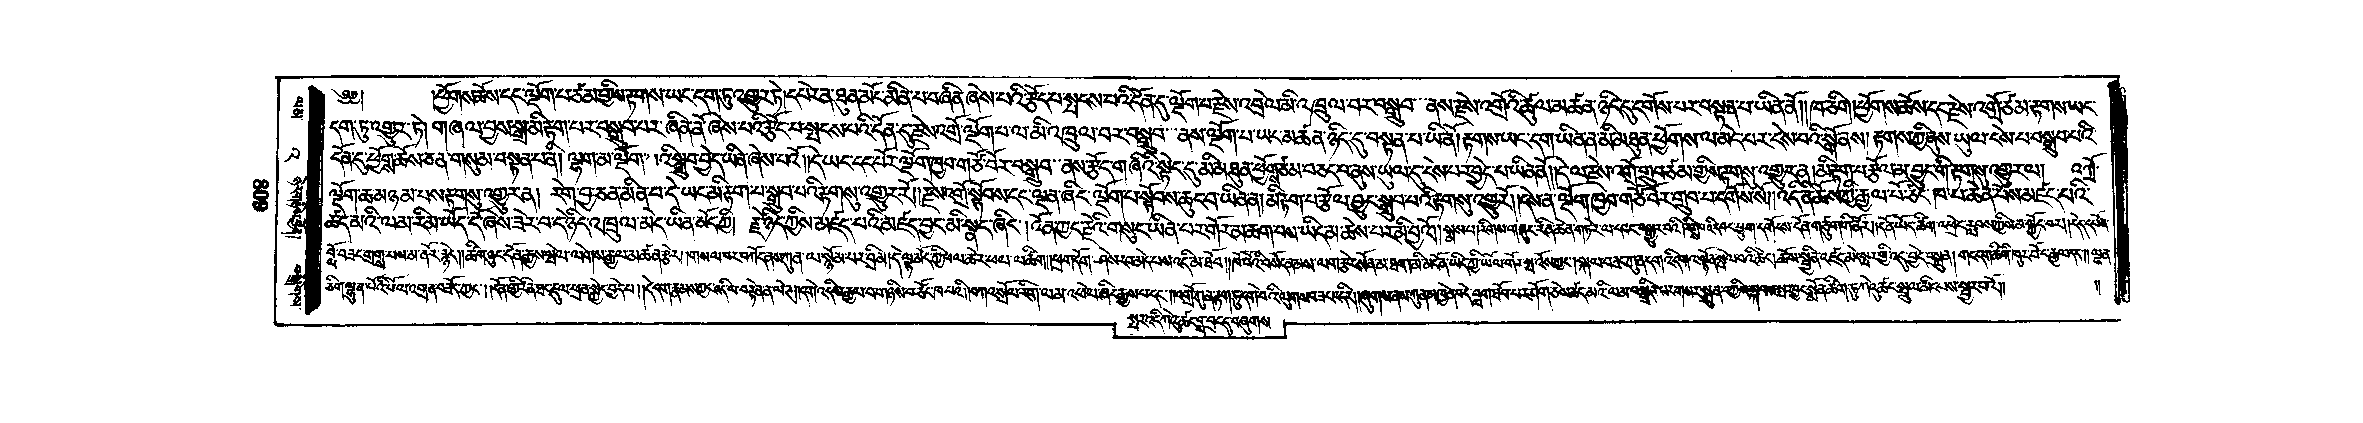༄༅། །ཕྱོགས་ཆོས་དང་ལྡོག་པ་ཙམ་གྱིས་རྟགས་ཡང་དག་ཏུ་འགྱུར་ཏེ། དཔེར་ན་ཐུན་མོང་མིན་པ་བཞིན་ཞེས་པའི་རྩོད་པ་སྤངས་པའི་དོན་དུ་ལྡོག་པ་རྗེས་འབྲེལ་མི་འཁྲུལ་བར་བསྒྲུབ་ནས་རྗེས་འགྲོའི་ཚུལ་མཚན་ཉིད་དུ་དགོས་པར་བསྟན་པ་ཡིན་ནོ། །ཁ་ཅིག །ཕྱོགས་ཆོས་དང་རྗེས་འགྲོ་ཙམ་རྟགས་ཡང་
དག་ཏུ་འགྱུར་ཏེ། གཞལ་བྱས་སྒྲ་མི་རྟག་པར་བསྒྲུབ་པར་ཞིན་ནོ་ཞེས་པའི་རྩོད་པ་སྤངས་པའི་དོན་དུ་རྗེས་འགྲོ་ལྡོག་པ་ལ་མི་འཁྲུལ་བར་བསྒྲུབ་ནས་ལྡོག་པ་ཡང་མཚན་ཉིད་དུ་བསྟན་པ་ཡིན་ནོ། རྟགས་ཡང་དག་ཡིན་ན་མི་མཐུན་ཕྱོགས་ལ་མེད་པར་ངེས་པའི་སྒོ་ནས། རྟགས་ཀྱི་ནུས་ཡུལ་ངེས་པ་བསྒྲུབ་པའི་
དོན་དུ་ཕྱོགས་ཆོས་ཅན་གསུམ་བསྟན་པ་ནི། ལྷག་མ་ལྡོག་པའི་སྒྲུབ་བྱེད་ཡིན་ཞེས་པའོ། །དེ་ཡང་དང་པོར་ལྡོག་ཁྱབ་གཙོ་བོར་བསྒྲུབ་ནས་རྩོད་གཞིའི་སྟེང་དུ་མི་མཐུན་ཕྱོགས་ཙམ་བཅད་པ་ནུས་ཡུལ་དུ་ངེས་པར་བྱེད་པ་ཡིན་ནོ། །དེ་ལ་རྗེས་འགྲོ་གྲུབ་ཙམ་གྱིས་རྟགས་སུ་འགྱུར་ན། མི་རྟག་པ་རྩོལ་མ་བྱུང་གི་རྟགས་སུ་འགྱུར་ལ། འགྲོ་
ལྡོག་ཆ་མཉམ་པས་རྟགས་སུ་འགྱུར་ན། རེག་བྱ་ཅན་མིན་བ་དེ་ཡང་མི་རྟག་པ་སྒྲུབ་པའི་རྟགས་སུ་འགྱུར་རོ། །རྗེས་འགྲོ་སྟོབས་དང་ལྡན་ཞིང་ལྡོག་པ་སྟོབས་ཆུང་བ་ཡིན་ན། མི་རྟག་པ་རྩོལ་བྱུང་སྒྲུབ་པའི་རྟགས་སུ་འགྱུར་རོ། །དེས་ན་ལྡོག་ཁྱབ་གཙོ་བོར་གྲུབ་པ་དགོས་སོ། །འདི་ནི་ཆོས་ཀྱི་རྒྱལ་པོ་ཙོང་ཁ་པ་ཆེན་པོས་མཛད་པའི་
ཚད་མའི་ལམ་རིམ་ཡོད་དོ་ཞེས་ཟེར་བ་དེ་ཉིད་འཁྲུལ་མེད་ཡིན་མོད་ཀྱི། རྗེ་ཉིད་ཀྱིས་མཛད་པའི་མཛད་བྱང་མི་སྣང་ཞིང་། འོན་ཀྱང་རྗེའི་གསུང་ཡིན་པར་གོར་མ་ཆག་པས་ཡིད་མ་ཆེས་པར་མི་བྱའོ། །སྨས་པ། རིགས་གཞུང་རིན་ཆེན་གཏེར་ལ་དབང་བསྒྱུར་བའི། །རིགས་པའི་དབང་ཕྱུག་དགོངས་དོན་གཙུག་གི་ནོར། དོན་ཡོད་ཚིག་འཕྲེང་རླབས་ཀྱིས་མ་སྐྱོང་བར། །དེད་དཔོན་
བློ་བཟང་གྲགས་པས་མ་ནོར་རྙེད། །ཚིག་ཉུང་དོན་རྒྱས་སྤེལ་ལེགས་རྒྱལ་མཚན་རྩེར། གསལ་བར་བཀོད་ནས་ཀུན་ལ་སྙོམ་པར་བྲིམ། དེ་ལྟ་མོད་ཀྱི་ཕལ་ཆེར་ཕལ་ལ་ཚིག །ཕྲག་དོག་ཤེས་རབ་མེད་པས་འདི་མ་ཐོབ། །ཁོ་བོའི་བསོད་ནམས་ལག་རྩེར་སོན་མ་ཐག་མི་མངོན་ཡིད་ཀྱི་ཡོལ་གོར་སྤ་འོས་ཀྱང་། སྐལ་བཟང་ཀུན་དགའི་དགའ་སྟོན་སྤེལ་བའི་ཆེད། ཆོས་སྦྱིན་མཛད་མེད་སྤར་གྱི་འདུ་བྱེད་བསྐྲུན། གང་དག་ཚིག་གི་ཁུར་པོ་ང་རྒྱལ་དང་། །ལྷན་
ཅིག་ལྷུན་པོའི་པོ་ལ་འགྲན་བཟོད་ཀྱང་། །དོན་གྱི་རིན་ཐང་རྡུལ་ཕྲན་སྐྱེད་བྱེད་པ། །དེ་དག་རྣམས་ཀྱང་འདི་ལ་བརྟེན་ན་ལེགས། །དགེ་འདིས་རྒྱལ་བ་གཉིས་པ་ཙོང་ཁ་པའི། །བཀའ་སྲོལ་རིག་ལམ་འཕེལ་ཞིང་རྒྱས་པ་དང་། །འགྲོ་ཀུན་རྟག་ཏུ་དགེ་བའི་ལུགས་བཟང་འདིར། །ཞུགས་ནས་ཀུན་མཁྱེན་བདེ་བླག་ཐོབ་པར་ཤོག་ཅེས་ཚད་མའི་ལམ་བསྒྲིགས་པར་གསར་སྐྲུན་བ་ཀྱིས་སྐབས་སྤང་བྱང་སྨོན་ཚིག་ཏུ་ཀེའུ་ཚང་སྤྲུལ་མིང་པས་སྦྱར་བའོ།། །།
སྤར་འདི་ཀེའུ་ཚང་བླ་བྲང་དུ་བཞུགས།